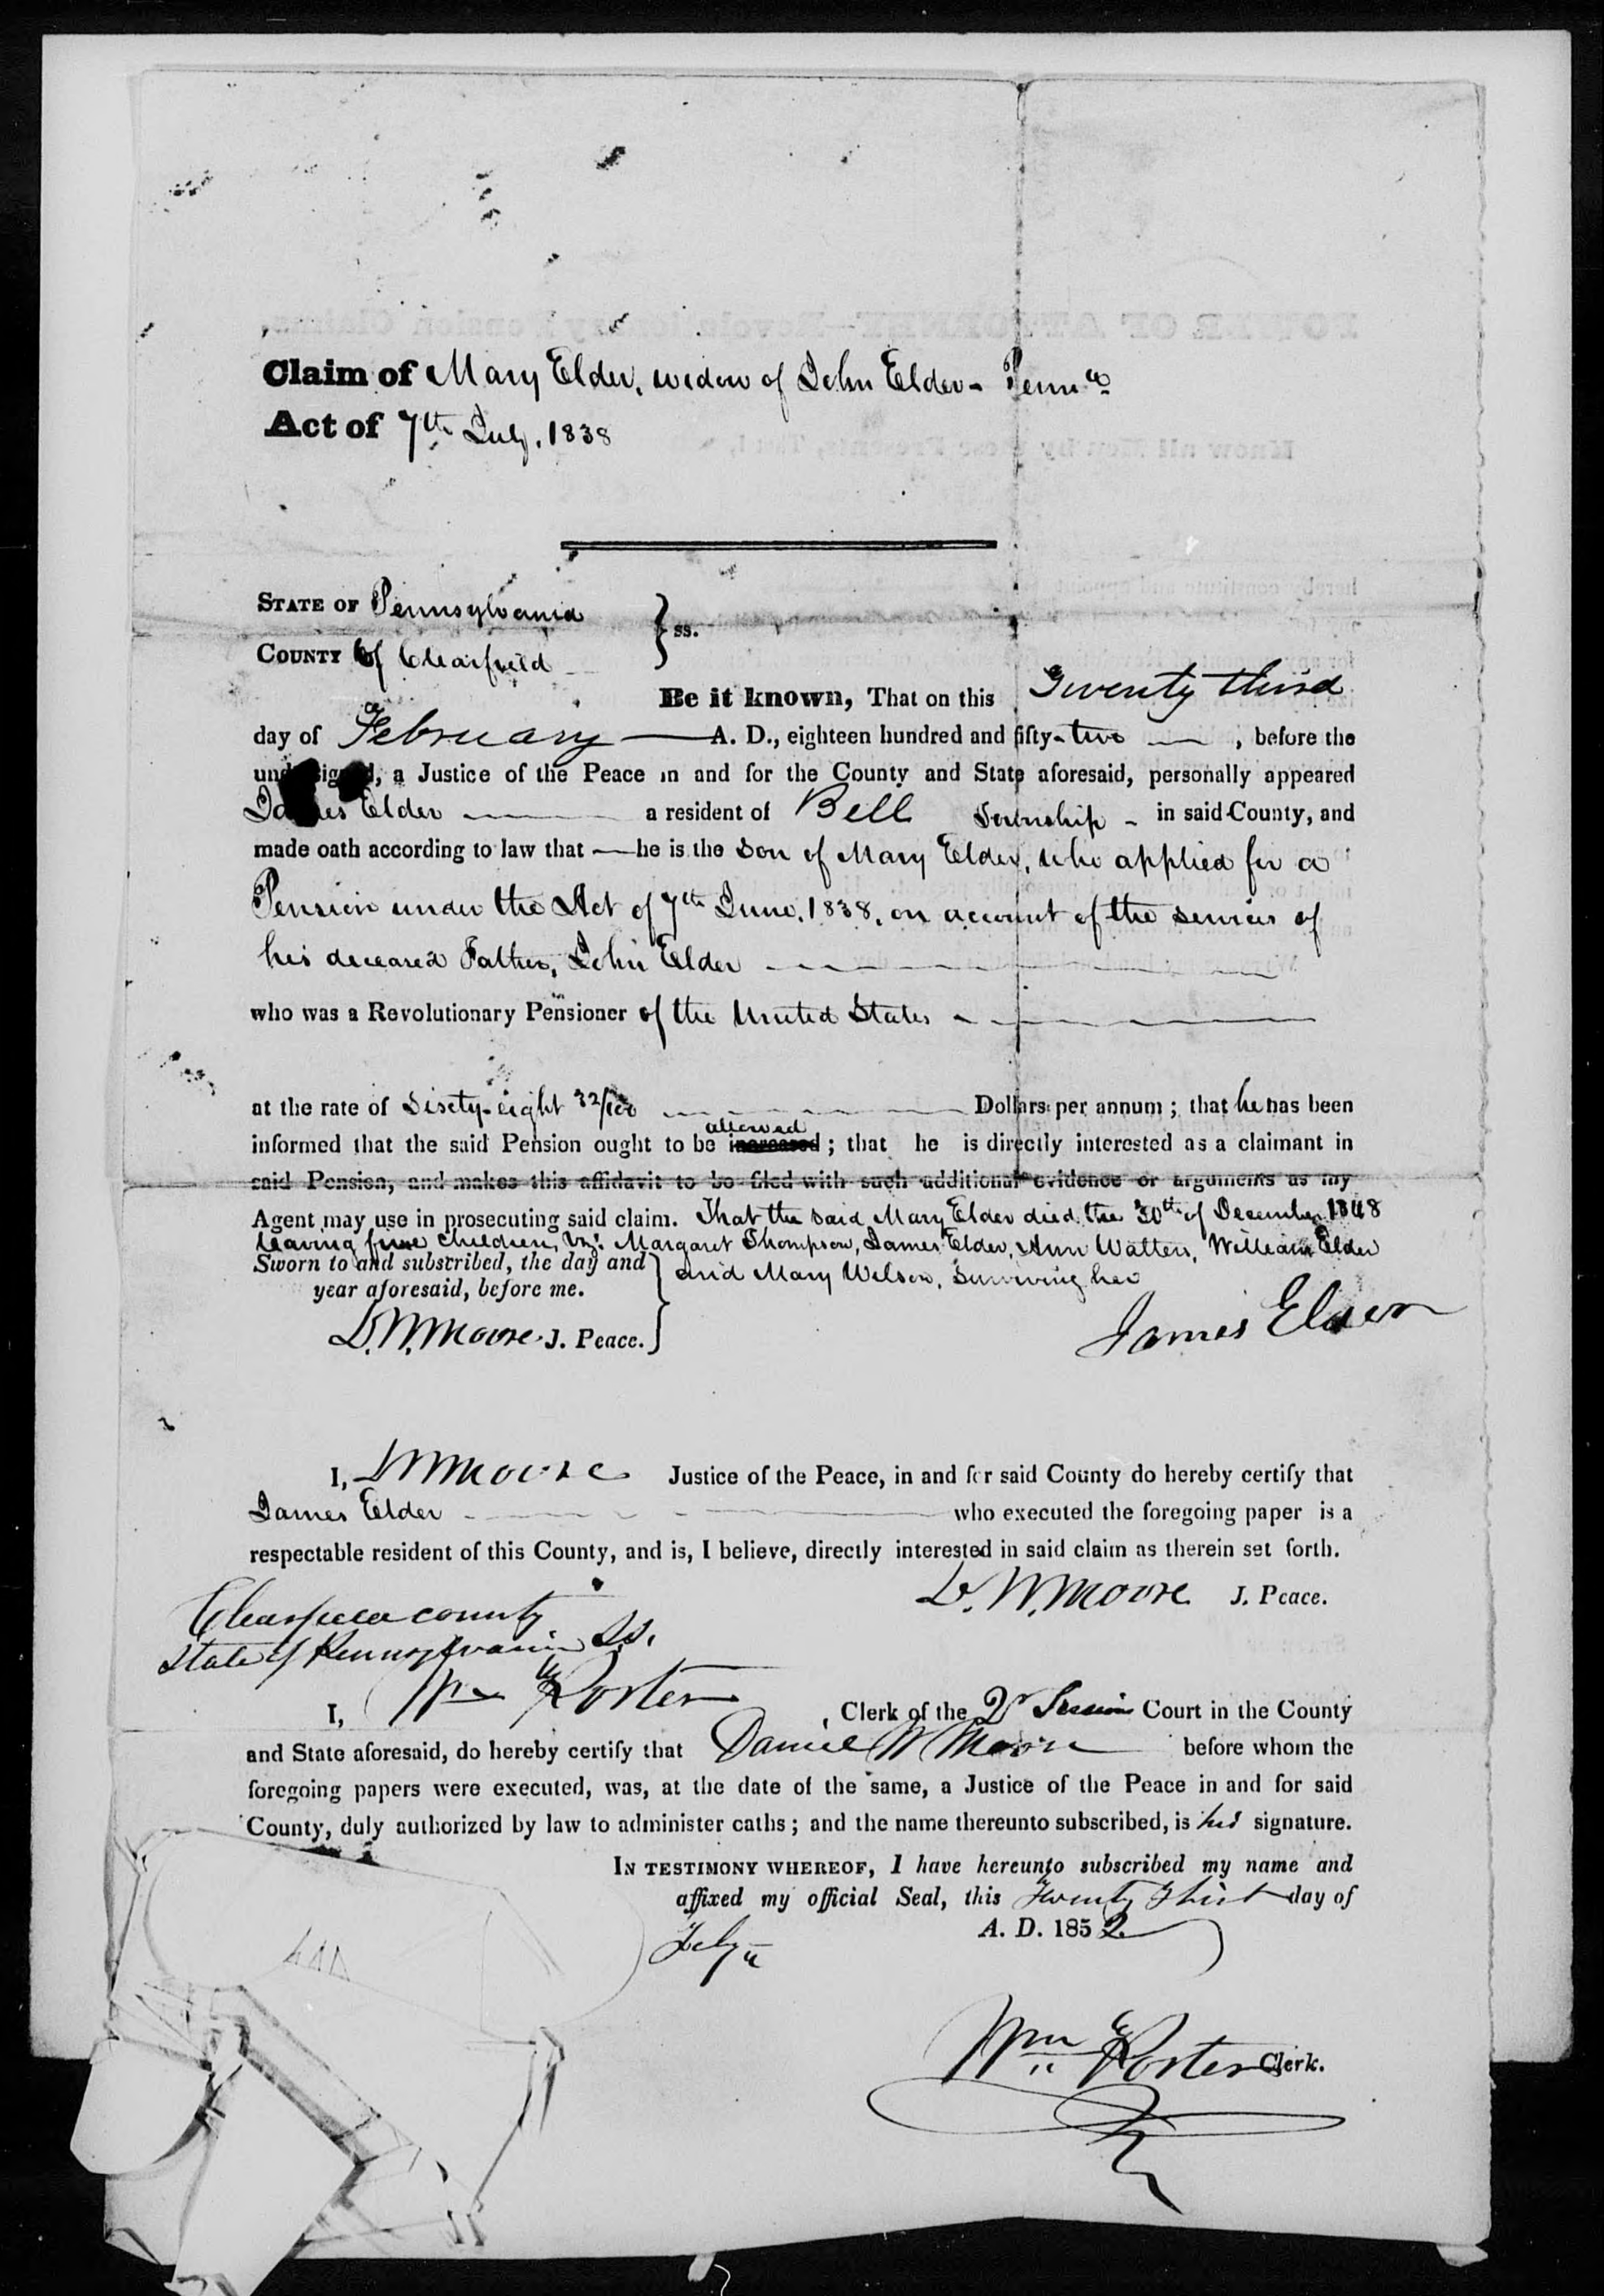Claim of Mary Elder, widow of John Elder. Penn 40
Act of 7th July, 1838
State of Pennsylvania
County of Clearfield

Be it known, That on this Twenty third day of February -- A.D., eighteen hundred and fifty-two ---, before the undersigned, a Justice of the Peace in and for the County and State aforesaid, personally appeared James Elder a resident of Bell Township -- in said County, and made oath according to law that -- he is the son of Mary Elder, who applied for a Pension under the Act of 7th June 1838, on account of the services of his deceased Father, John Elder, who was a Revolutionary Pensioner of the United States 
at the rate of sixty-eight 32/100 Dollars per annum; that he has been informed that the said Pension out to be allowed; that he is directly interested as a claimant in said Pension, and makes this affidavit to be filed with such additional evidence or arguments as my Agent may use in prosecuting said claim. That the said Mary Elder died the 30th of December 1848 leaving five children by: Margaret Thompson, James Elder, illegible Walters, William Elder, and Mary Watson, Surviving her. 
Sworn to and subscribed, the day and year aforesaid, before me. D. Moore J Peace.
James Elder

I, D Moore, Justice of the Peace in and for said County do hereby certify that James Elder -- who executed the foregoing paper is a respectable resident of this County, and is, I believe, directly interested in said claim as therein set forth. 
D.W. Moore J. Peace.
Clearfield County
State of Pennsylvania
I, Wm Porter, Clerk of the 2nd Session Court in the County and State aforesaid, do hereby certify that Daniel W. Moore before whom the foregoing papers were executed, was, at the date of the same, a Justice of the Peace in and for said County, duly authorized by law to administer oaths; and the name thereunto subscribed my name and affixed my official Seal, this Twenty Third day of July A. D. 1852. Wm Porter Clerk.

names: Mary Elder, Margaret Thompson, Mary Elder, D W Moore, D W Moore, Daniel W Moore, John Elder, James Elder, James Elder, Wm Porter, John Elder, Mary Elder, Ann Walters, Mary Watson, William Elder, James Elder, D W Moore, James Elder, Wm Porter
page: 12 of 80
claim: widow's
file: W. 24117, John Elder, Penn.